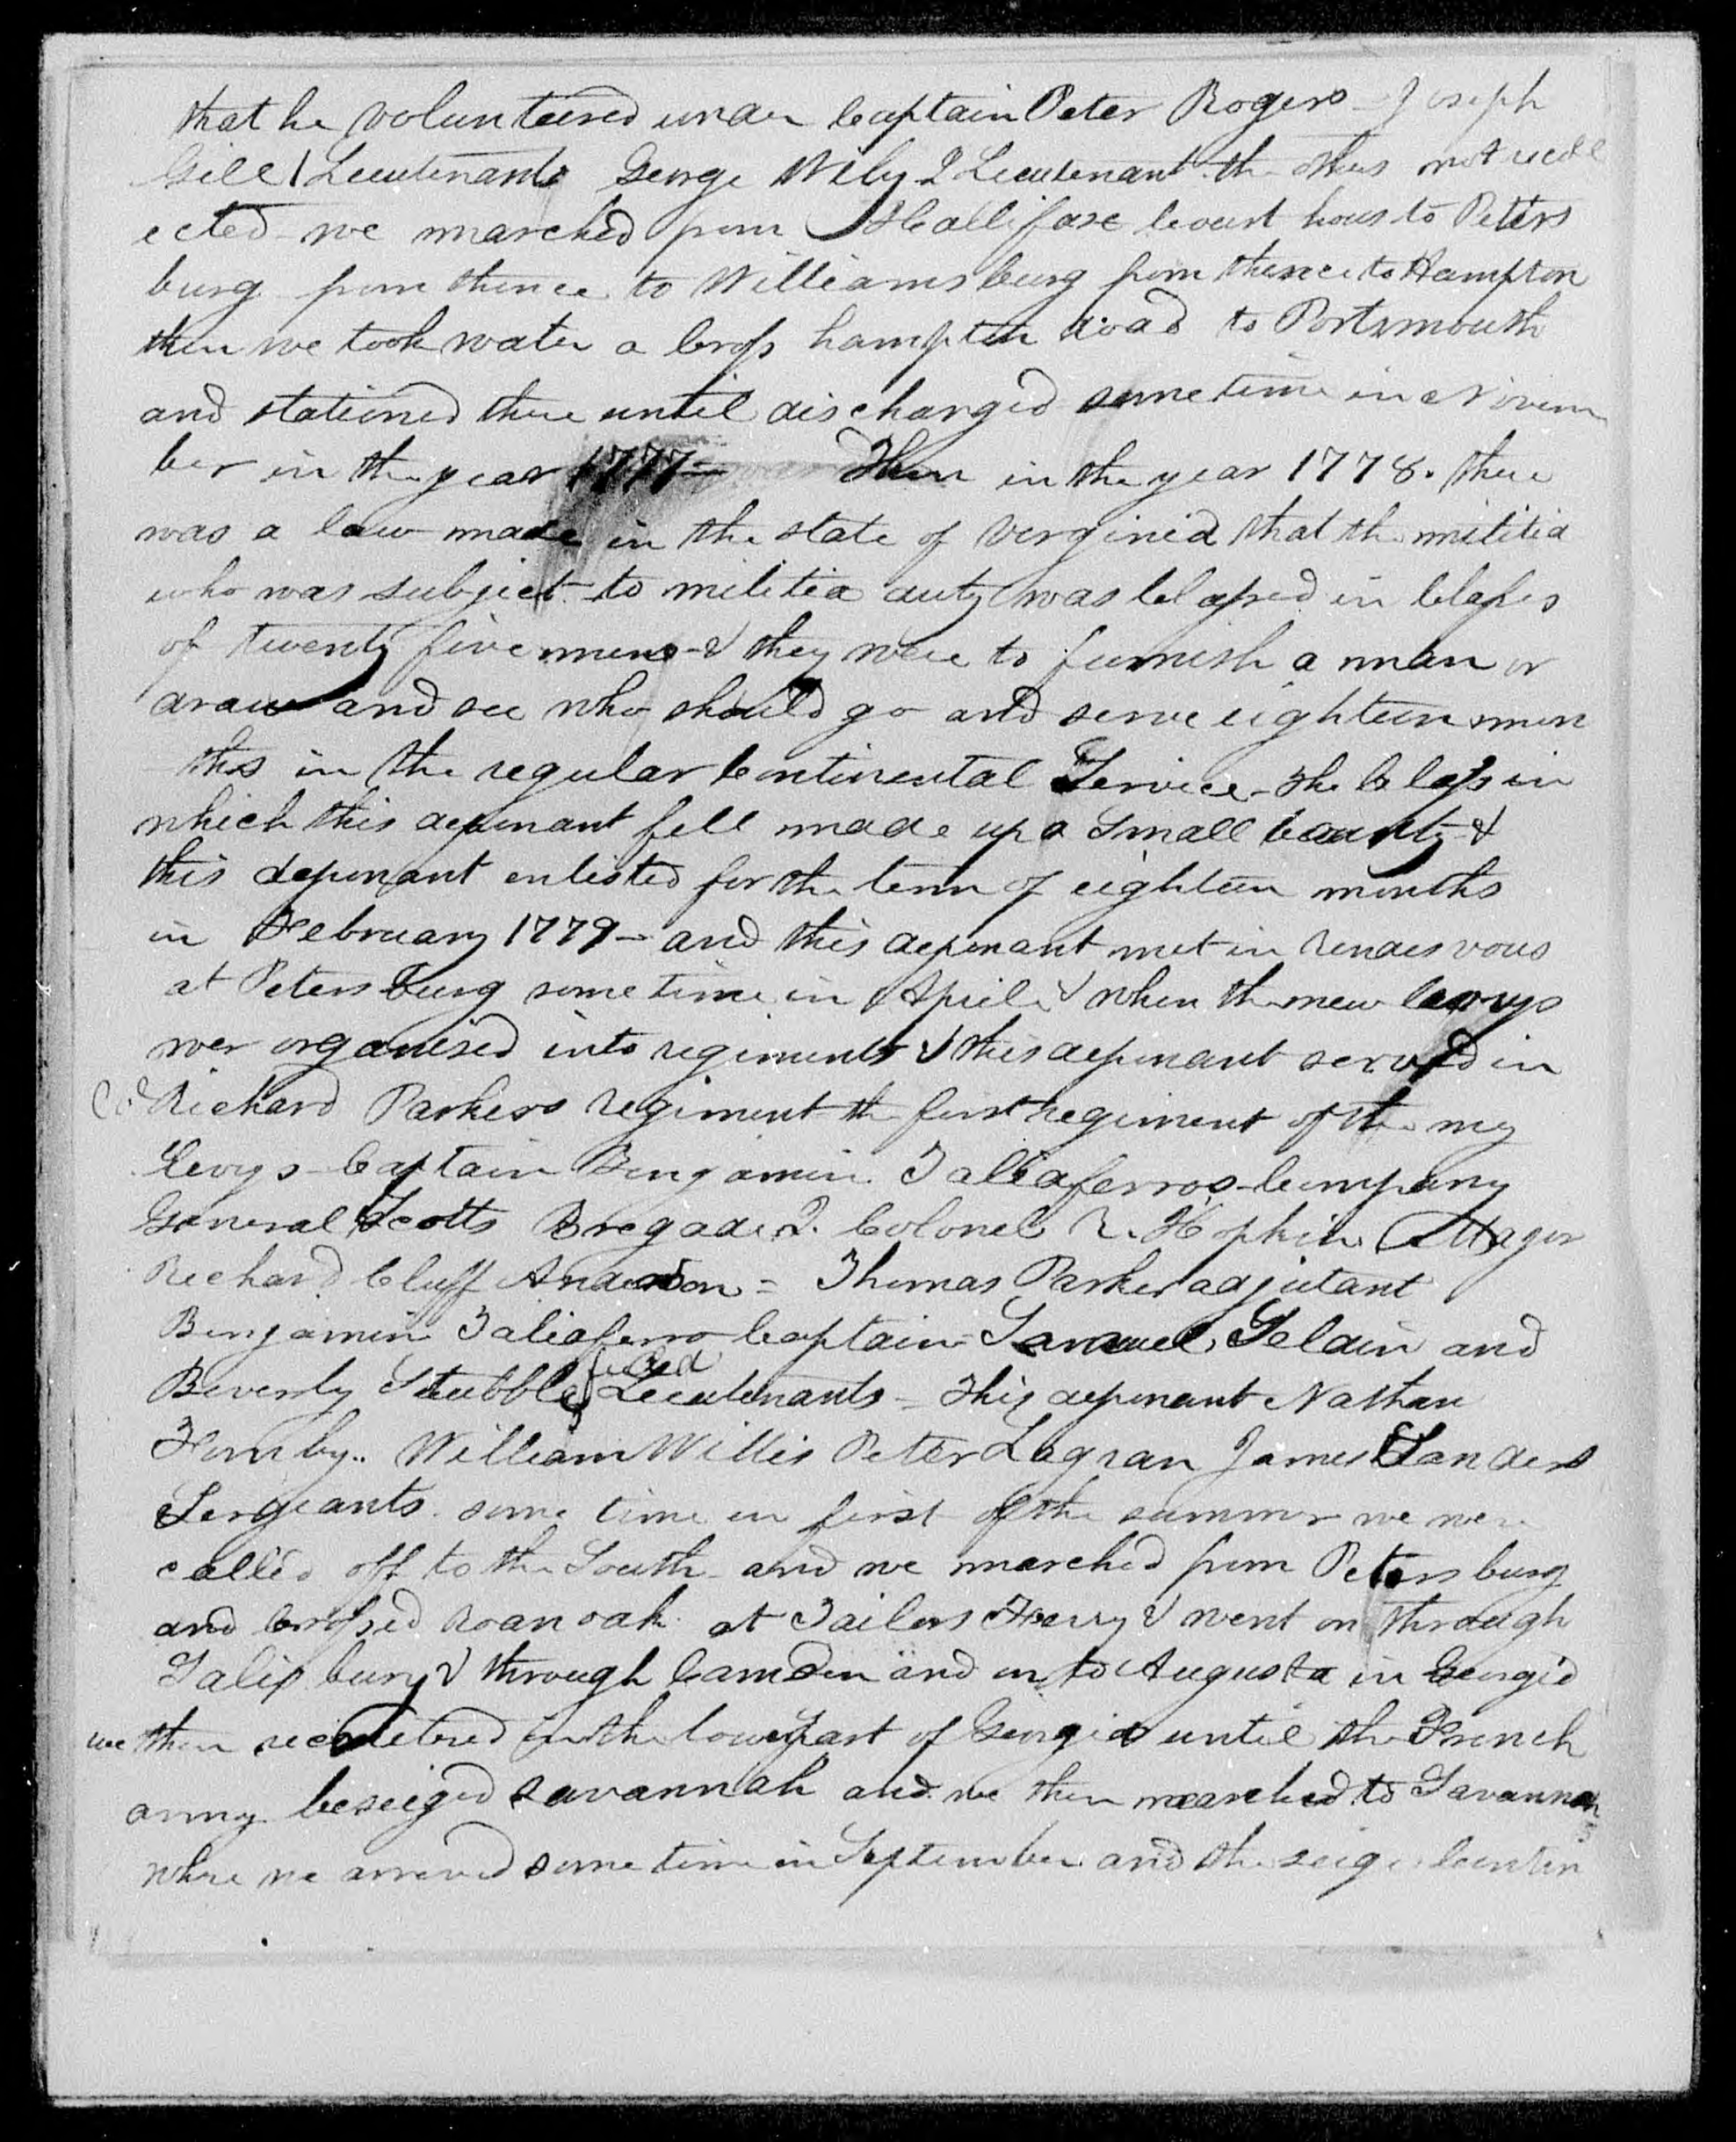that he volunteered under Captain Peter Rogers Joseph Gill Lieutenant George Wily 2 Lieutenant the others not recollected we marched from Halifax Court house to Peters burg from thence to Williamsburg from thence to Hampton there we took water across hampton road to Portsmouth and stationed there until discharged sometime in October in the year 1777 - Then in the year 1778, there was a law made in the state of Virginia that the militia who was subject to militia duty was classed in classes of twenty five men & they were to furnish a man or draw and see who should go and serve eighteen more this in the regular Continental Service - the Class in which this deponent fell made up a Small party & this deponent enlisted for the term of eighteen months in February 1779 - and this deponent met in rendezvous at Petersburg sometime in April when the men [illegible] were organized into regiments  this deponent served in Richard Parkers regiment the first regiment of the my levys - Captain Benjamin Taliaferros company General Scotts Bredgad Colonel R. Hopkin Major Richard Cluff Anderson= Thomas Parker adjutant Benjamin Taliaferro Captain Samuel Seldin and Beverly Stubble Lieutenants - This deponent Nathan Formby William Willis Peter Lagran James Sanders Sergeants some time in first of the summer we were called off to the South and we marched from Petersburg and crossed Roanoak at Sailors Ferry I went on through Salisbury & through Camden and into Augusta in Georgia we then [illegible] in the low part of Georgia until the French army besieged Savannah and we then marched to Savannah where we served some time in September and the seige continued [continued on following page]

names: Peter Rogers, Joseph Gill, James Sanders, Nathan Fomby, Richard Cluff Anderson, R Hopkin, George Wily, William Willis, Benjamin Taliafero, Thomas Parker, Peter Lagran, Samuel Selden, Beverly Stubble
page: 4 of 54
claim: widow's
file: W. 3794, Nathan Formby, Va.